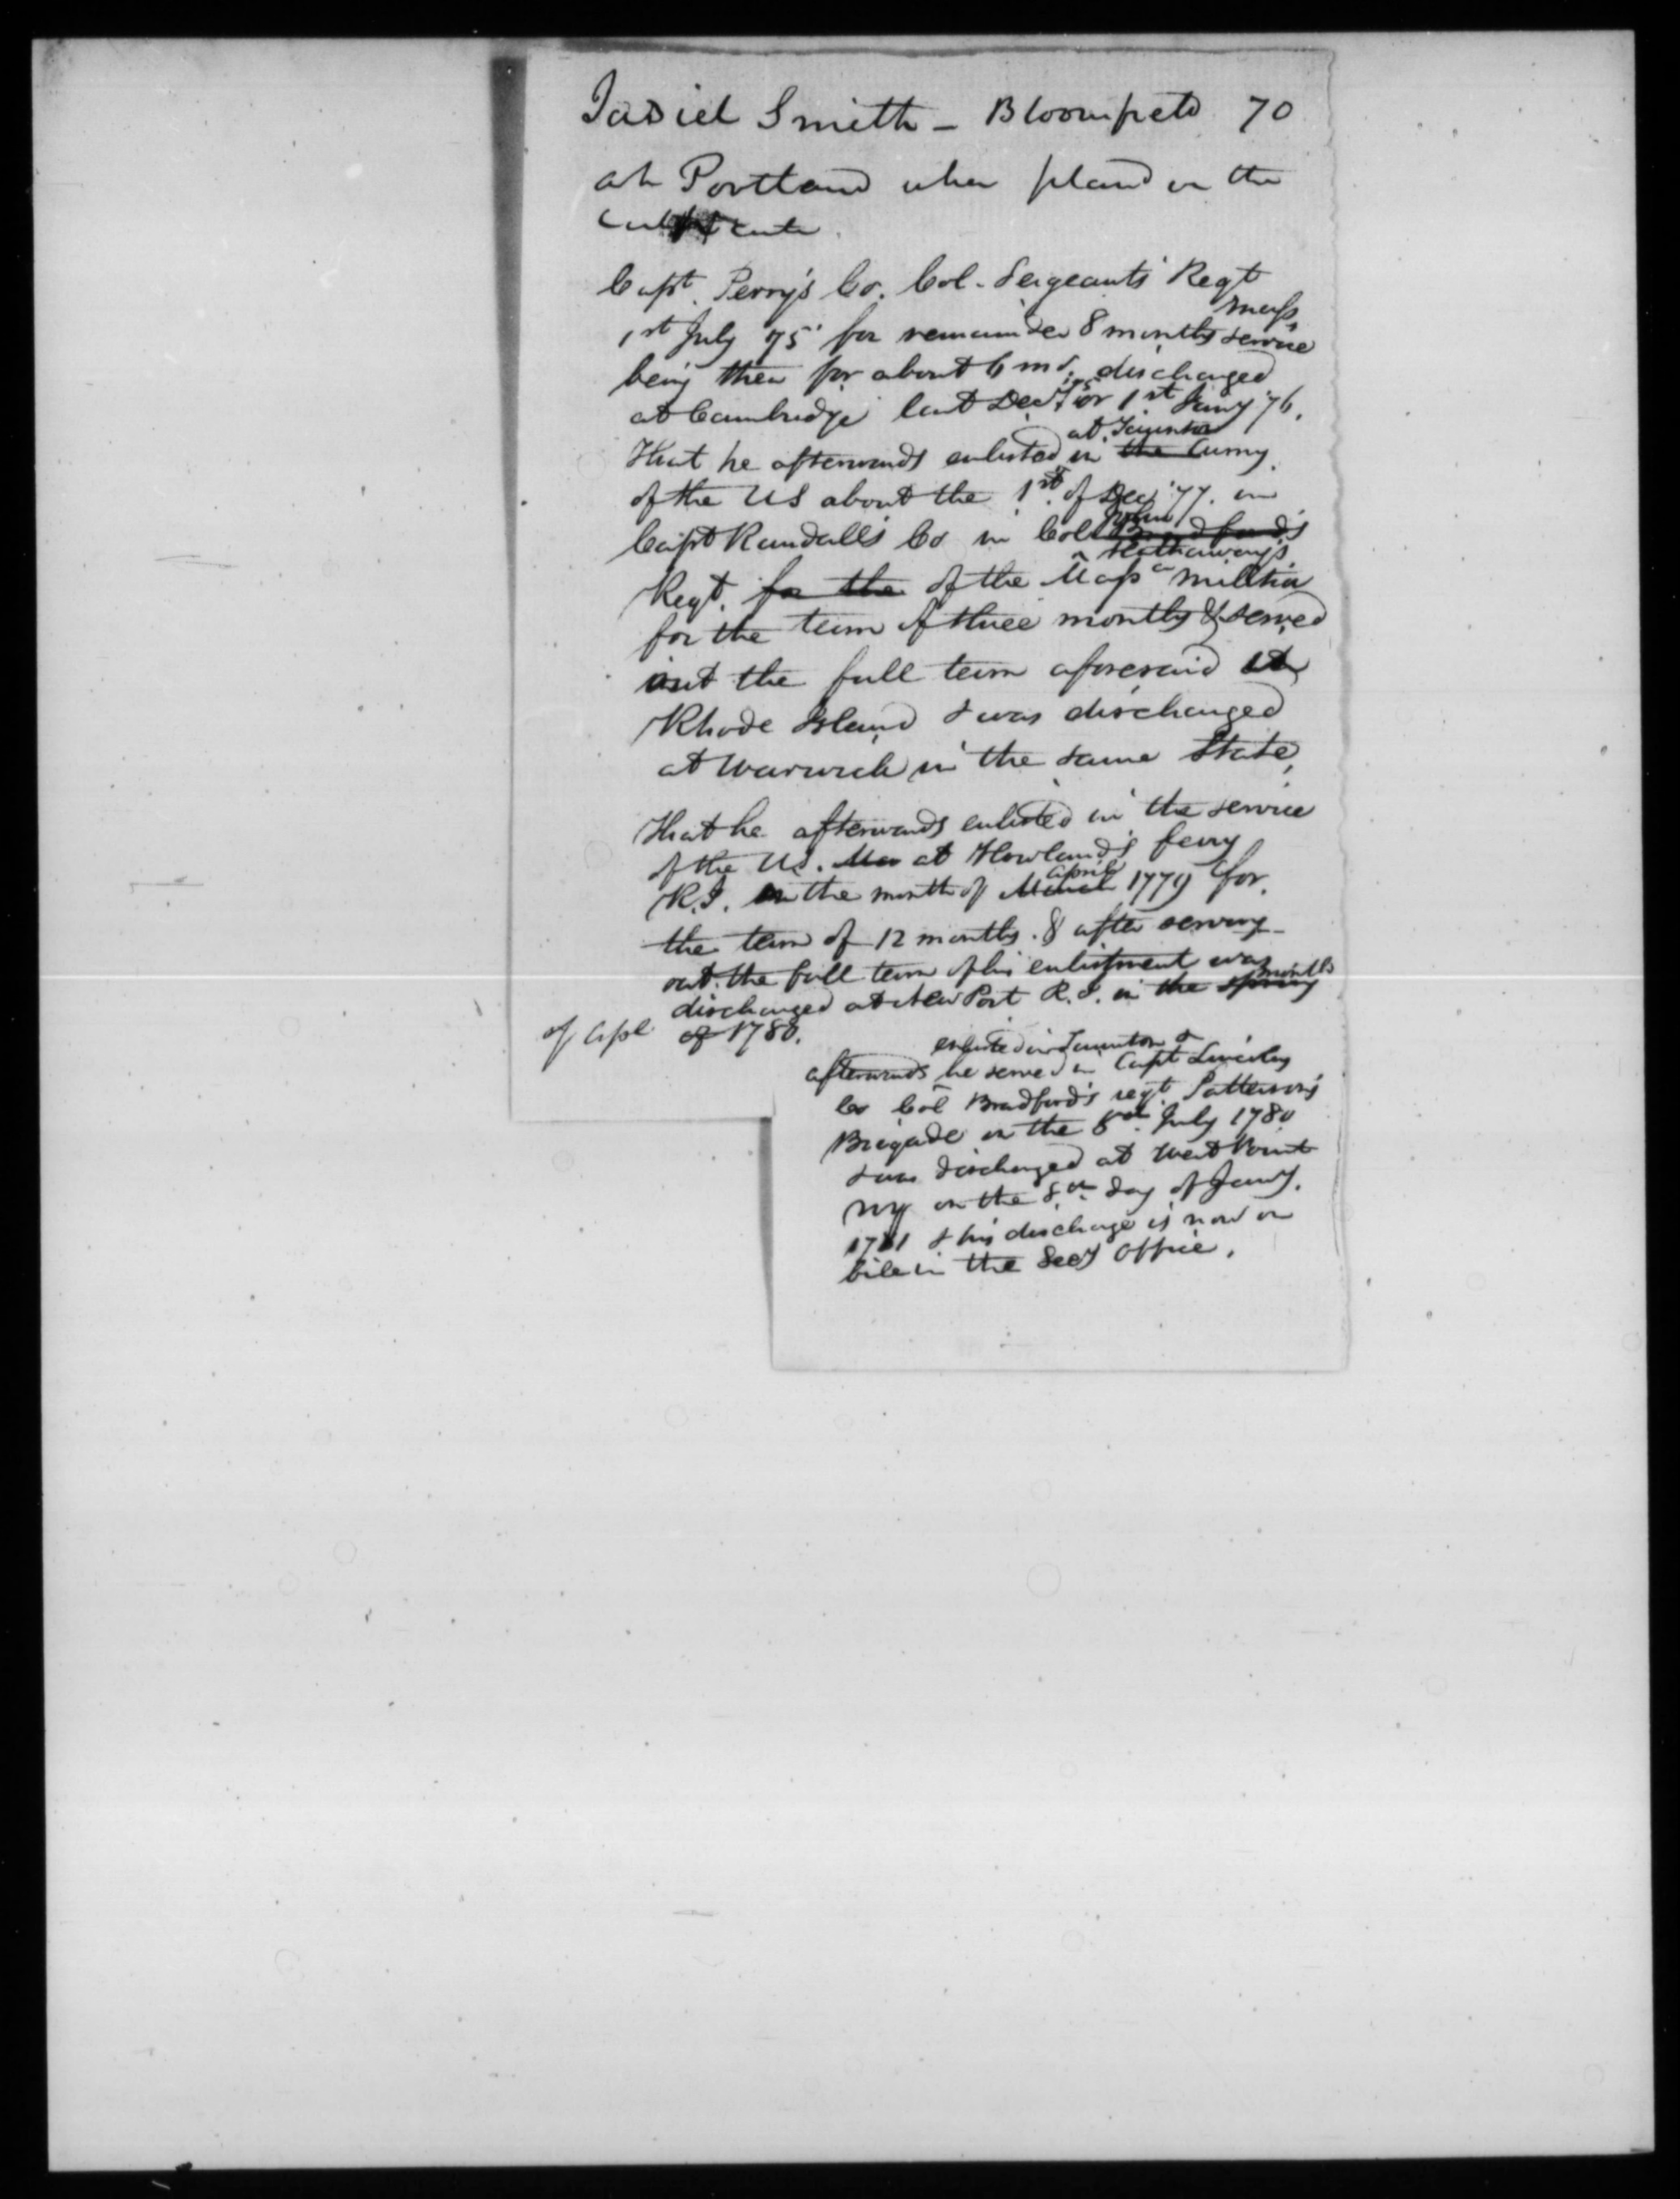Jasiel Smith - Bloomfield 70 at Portland when placed in the certificate.
Capt. Perry's Co. Col. Sergeants' Regt[regiment] 1st July 75 for remainder 8 month service being then for about  6 mo; discharged at Cambridge last Dec 75 or 1st Jany 76. That he afterwards enlisted in [illegible] Army of the US  about the 1st of Dec 77. in Capt Randall's' Co in col [illegible] Hathaway's Regt. of the Map militia for the term of three months of served out the full term aforesaid [illegible] Rhode Island I was discharged at Warwick in the same State, That he afterward  enlisted in the service of the US [illegible] at Howland's ferry R.I. on the month of April 1779 for the term of 12 months & after serving out the full term of his enlistment was discharged at Newport R.I. in the month of Apl of 1780. 
enlisting [illegible] & afterwards he served a Capt Livesley col Bradford's regt, Patterson's Brigade on the 8th July 1780 & was discharged at West Point NY on the 8th Day of Januaryy 1781 & his discharge is now on file in the Secy Office.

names: Jasiel Smith; Patterson Brigade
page: 3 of 20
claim: widow's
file: W 2362, for Jasiel Smith, Massachusetts